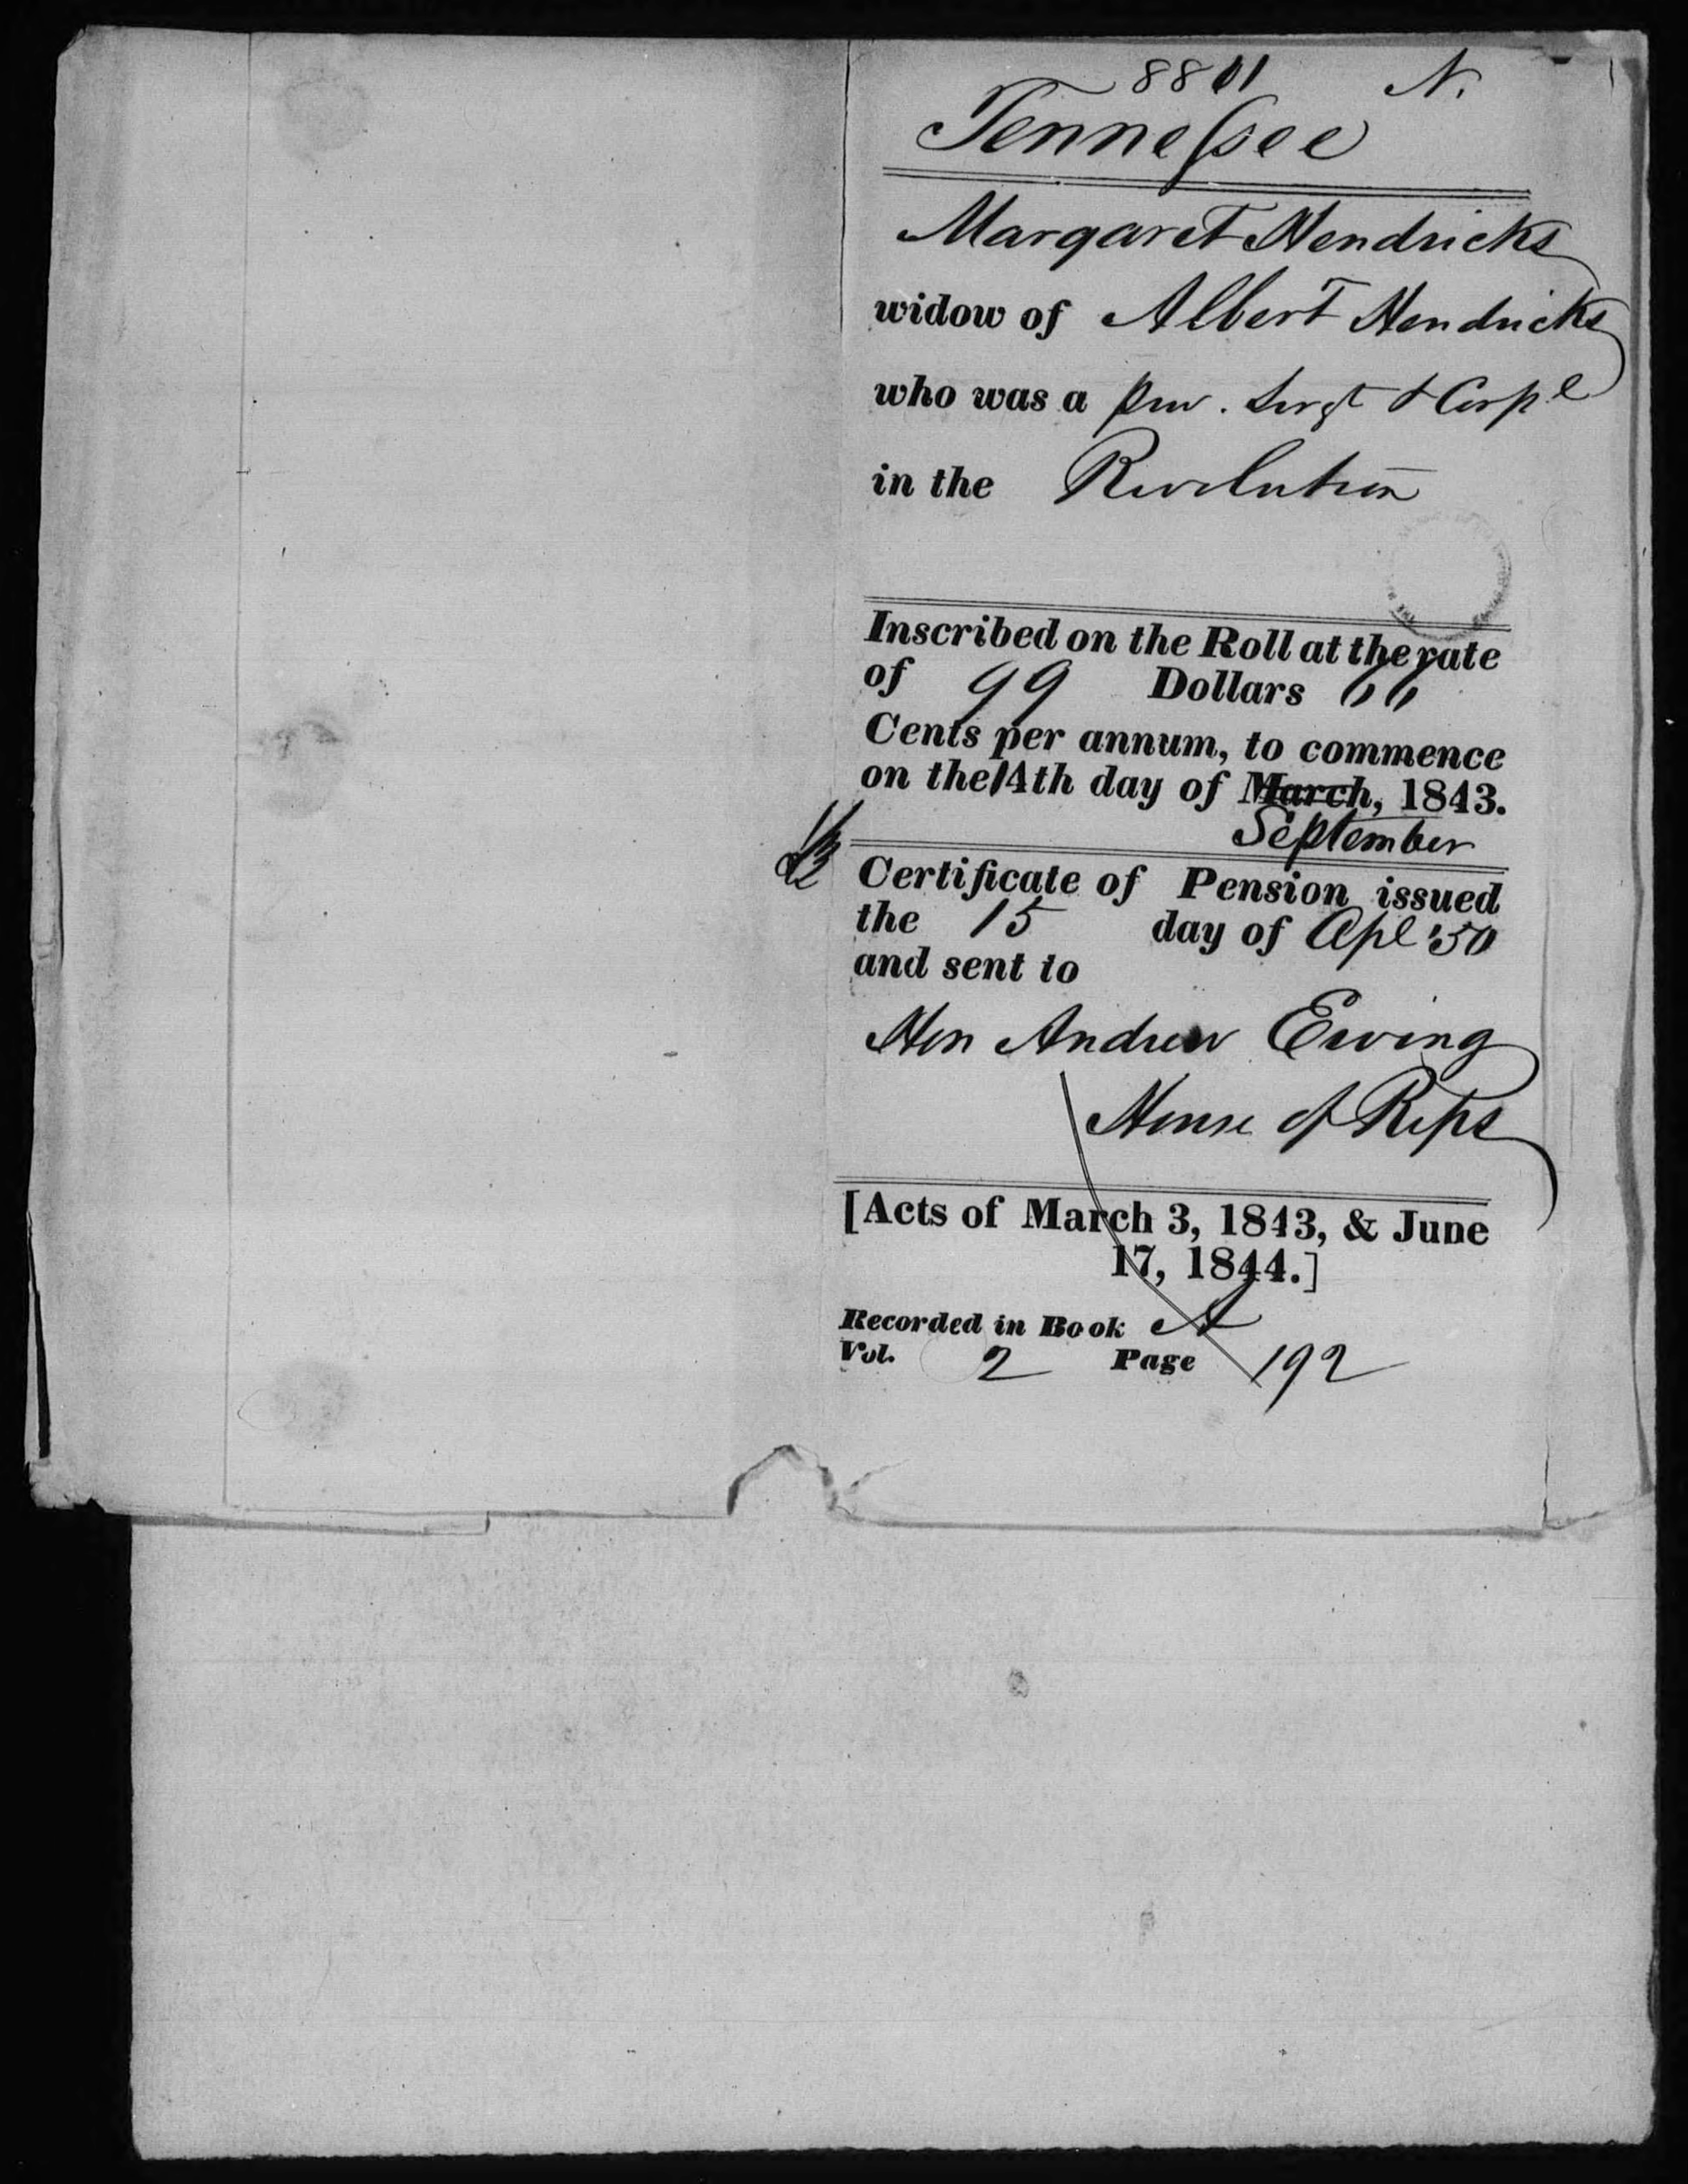Margaret Hendricks 
widow of Albert Hendricks 
who was a Priv. Sergt & Corpl
in the Revolution

Inscribed on the Roll at the rate 
of 99 Dollars 66 
Cents per annum, to commence 
on the 14th day of [struck out: March] September, 1843.

Certificate of Pension issued 
the 15 day of April '50 
and sent to 
Hon Andrew Ewing 
House of Reps

[ Acts of March 3, 1843, & June 
17, 1844. ]

Recorded in Book A
Vol. 2 Page 192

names: Albert Hendricks, Margaret Hendricks, Andrew Ewing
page: 22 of 76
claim: widow's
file: W. 83, Albert Hendricks, Continental Md. N.C.